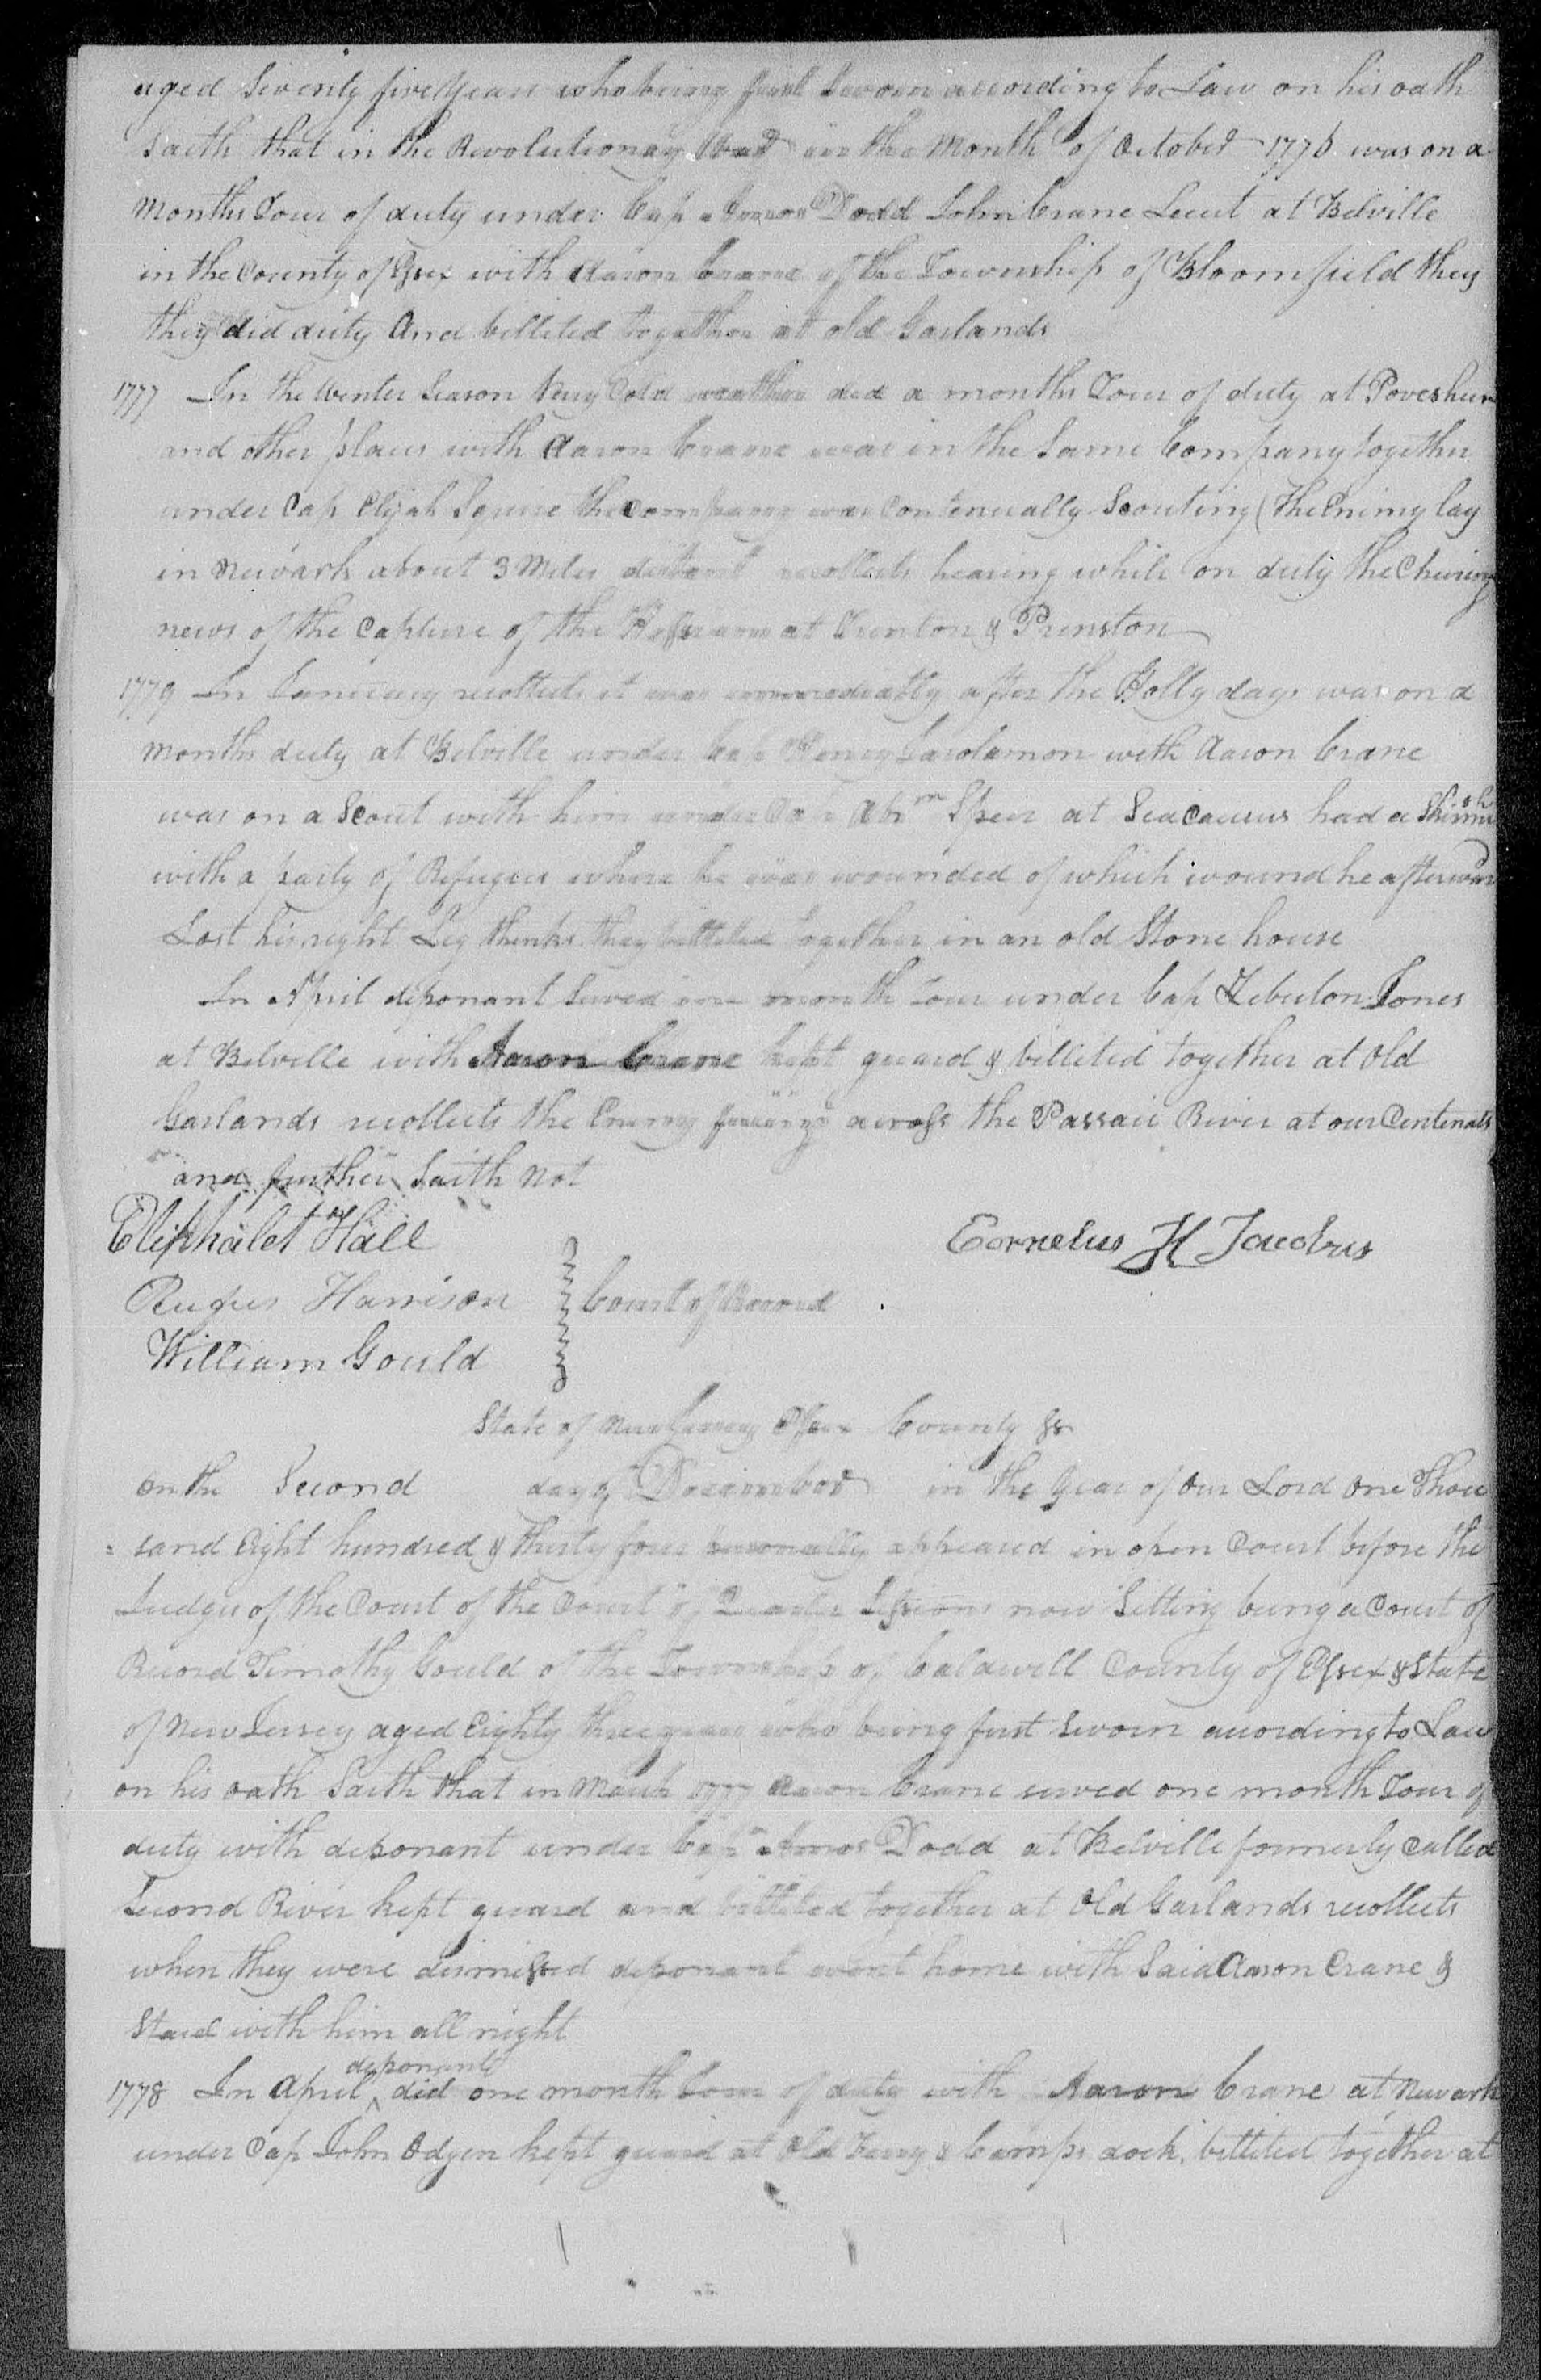.                                 age seventy five years who being firs sworn according to Law on his oath

                                   saith that in the Revolutionary War in the month of October 1776 was on a

                                   months Tour of Duty under Capn James Dodd  John Cran Lieut at Belville

                                   in the County of Essex Aaron Crane of the Township of Bloomfield they

                                   they did duty and billeted together at old Garlands.


1777 -                      In the Winter Season Newy Cold weather did a month Tour of Duty at Poveshun

                                   and other places with Aaron Crane was in the same company together

                                   under Cap Elijah Squire the company was continually scouting (The enemy lay

                                    in Newark about 3 miles ? recollect having while on duty the ?

                                    news of the capture of the Regiment of Trenton & Princeton


1779                           In ? recollect it was immediately after the Holly days was on  d

                                     months duty at Belville ? ?  Emry Lardamon with Aaron Crane

                                      was on a Scout with him under Capn Abrm Speer at Seacacus a ?

                                       with a party of Refugees where he was wounded of which wound he afterwards

                                       he lost his right leg thinks they battled together in an old Stone houuse


                                       In April deponent served ina  mont tour under Cap Zebulon Jones

                                       at Belville with Aaron Crane Capt guard & billeted together at Old 

                                        Garlands ? the Enemy firing across the Passaic River at our Contenats

                                        and further saith not

                                        Eliphalet Hall                                                                  Cornelius H Jacobus

                                        Rufus Harrison         County of Record

                                        William Gould



                                                                 State of New Jersey Essex County SS

                                       On the second               day of December in the year of our Lord one thous -

                                        - and eight hundred & thirty four personally apeared in Open Court before the

                                       Judge of the Court of the Court of Quarter Session noew sitting being a Court of

                                        Record TImothy Gould of the Township of Caldwell County of Essex of State

                                         of New Jersey aged Eighty three years  who being first sworn according to Law

                                         on his oath siath that in March 1777 Aaron Crane served one month Tour of

                                         duty with deponent under Capn Amos Dodd at Belville formerly called

                                         Second River kept guard and bittled at Old Garlnds recollects

                                          when they were dismissed deponent event home with said Aaron Crane & 

                                          stood with him all night.


1778                                In April deponent did one month of Tour of Duty with Aaron Crane at Newark

                                          undr Cap John Odgen kept guard at Old Ferry & Camp dock billeted together at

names: Aaron Crane, Aaron Crane, Aaron Crane, Cornelus H Jacobus, Aaron Crane, John Ogden, John Crane, Eliphalet Hall, Aaron Crane, Timothy Gould, Elijah Squire, William Gould, Amos Dodd, Amos Dodd, Aaron Crane, Zebulon Jones, Abrm Speer, Aaron Crane, Rufus Harrison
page: 19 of 32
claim: rejected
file: R. 2441, Aaron Crane, New Jersey